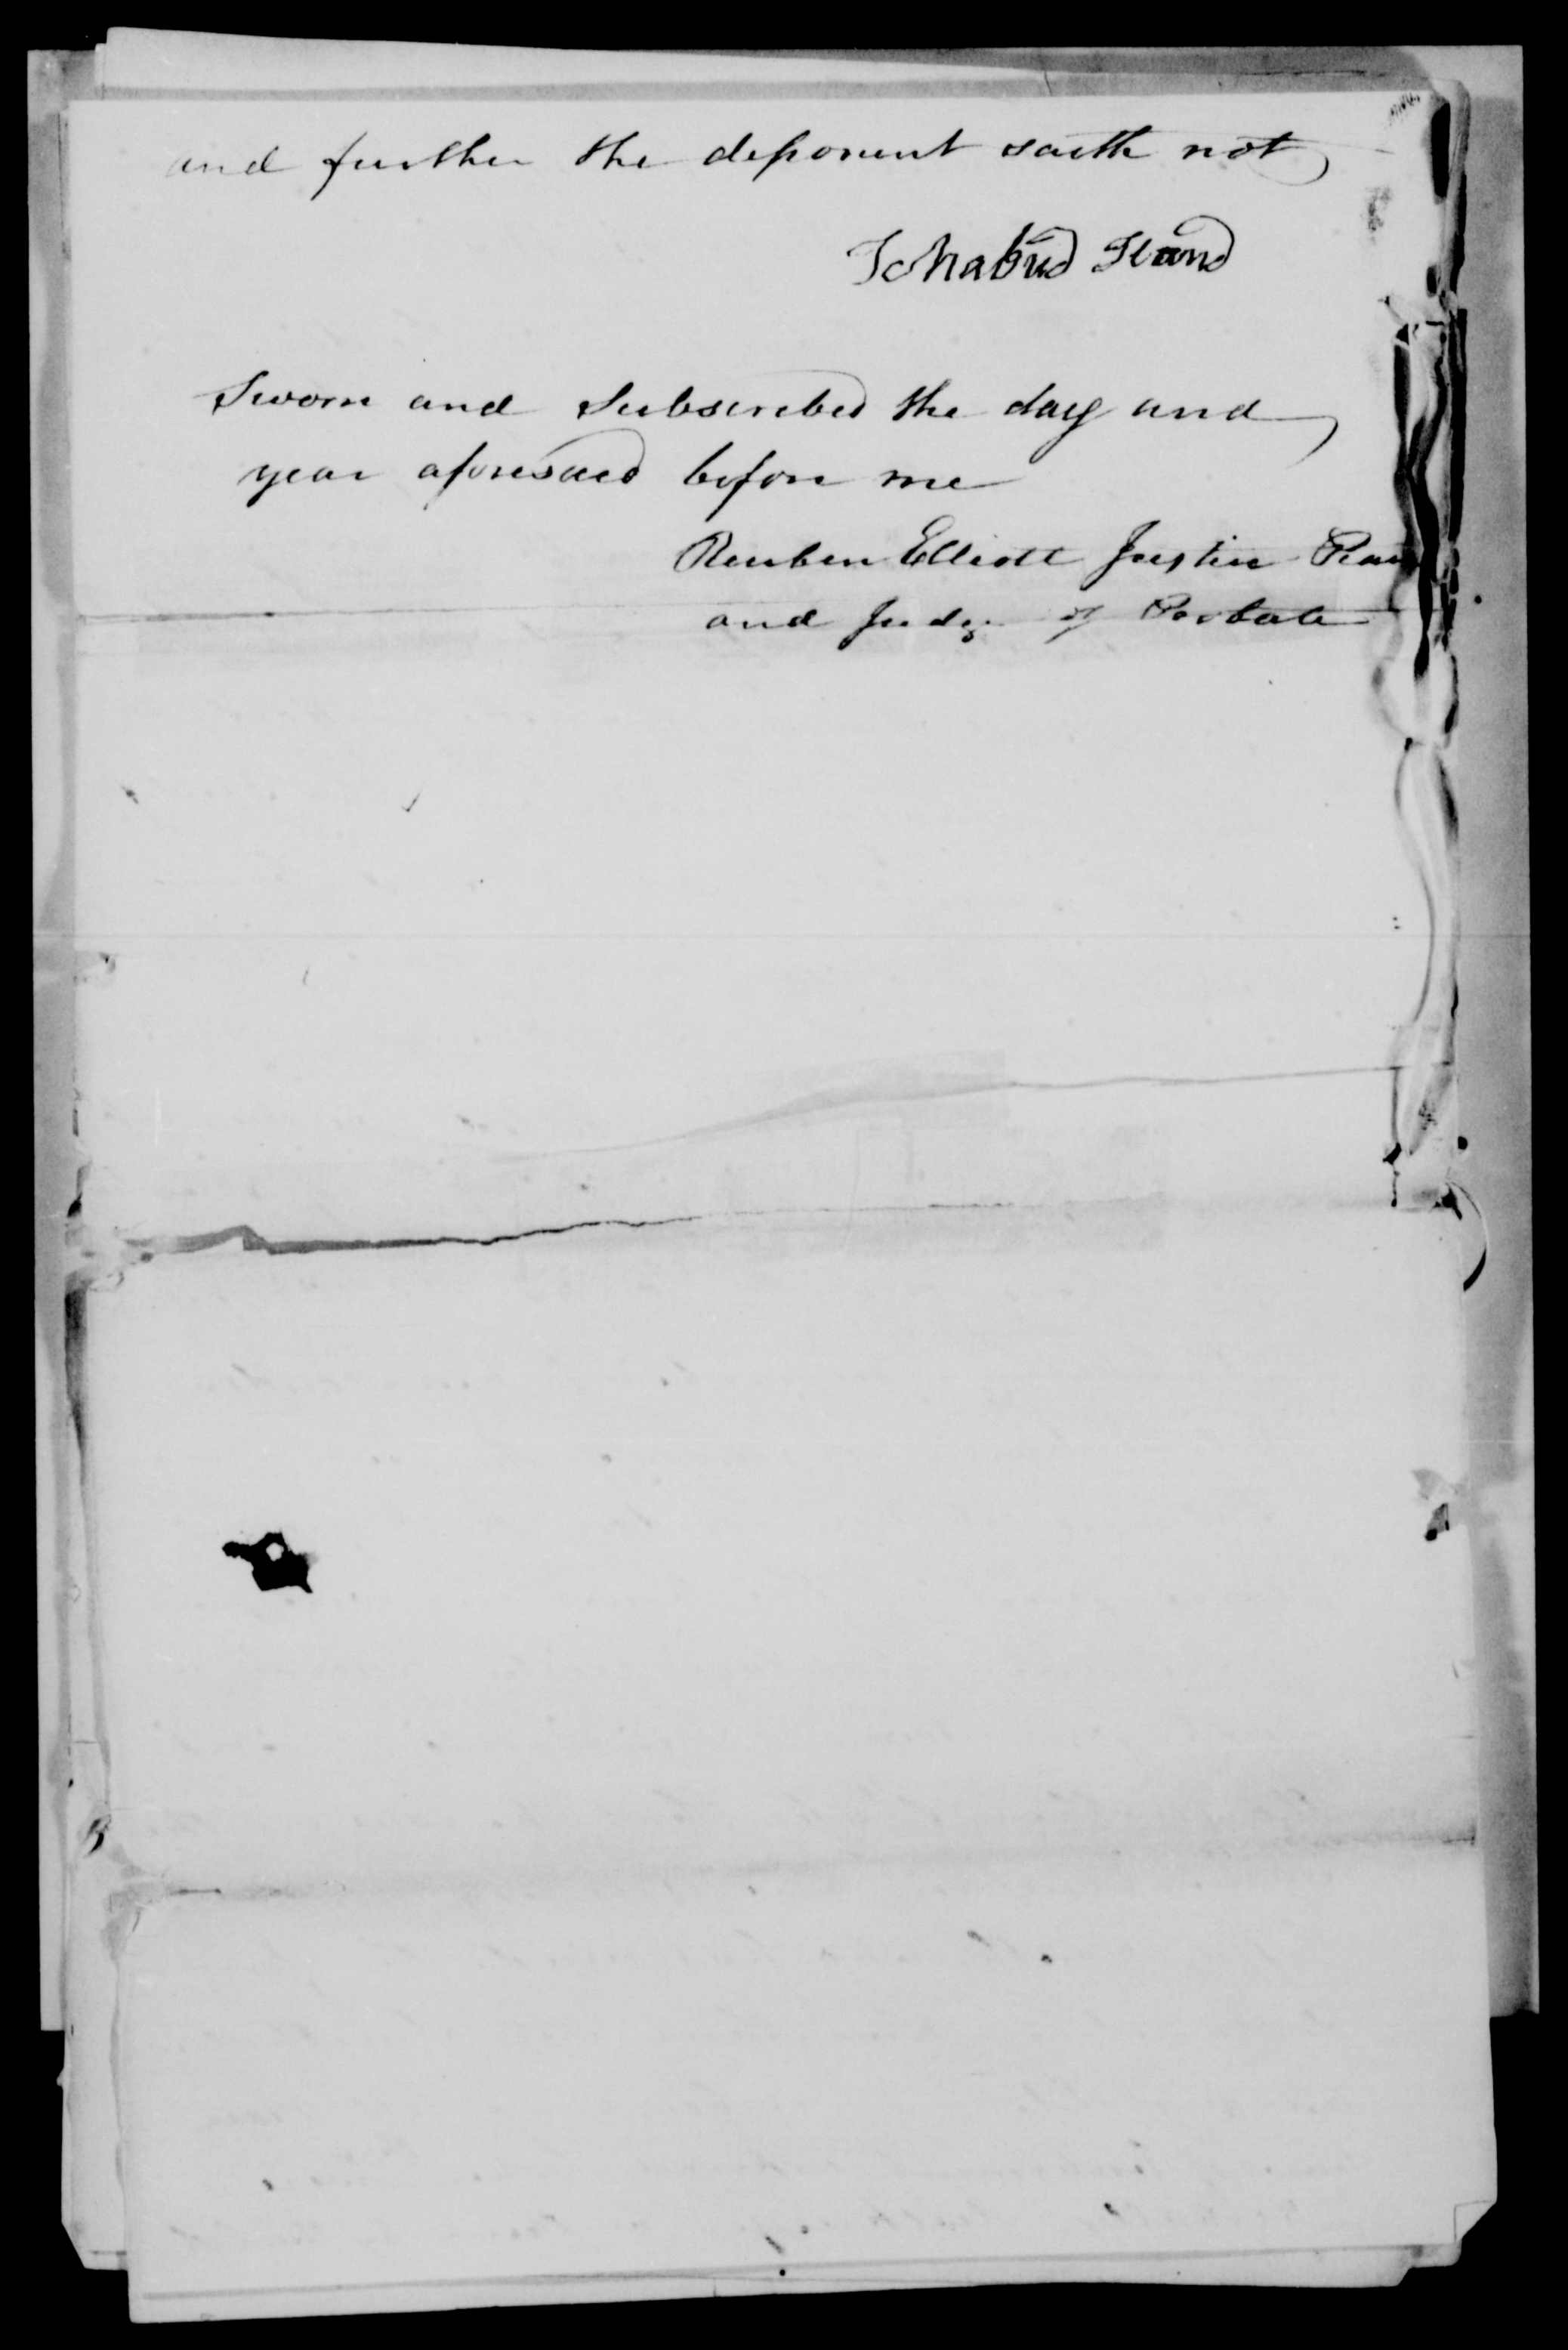and further the deponent saith not
Ichabud Hand
Sworn and Subscribed the day and
year aforesaid before me
Reuben Elliott Justice P
and Judge of Probate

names: Reuben Elliott; Ichabud Hand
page: 15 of 19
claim: survivor's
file: S. 16250, for Jeffery Smith, Connecticut